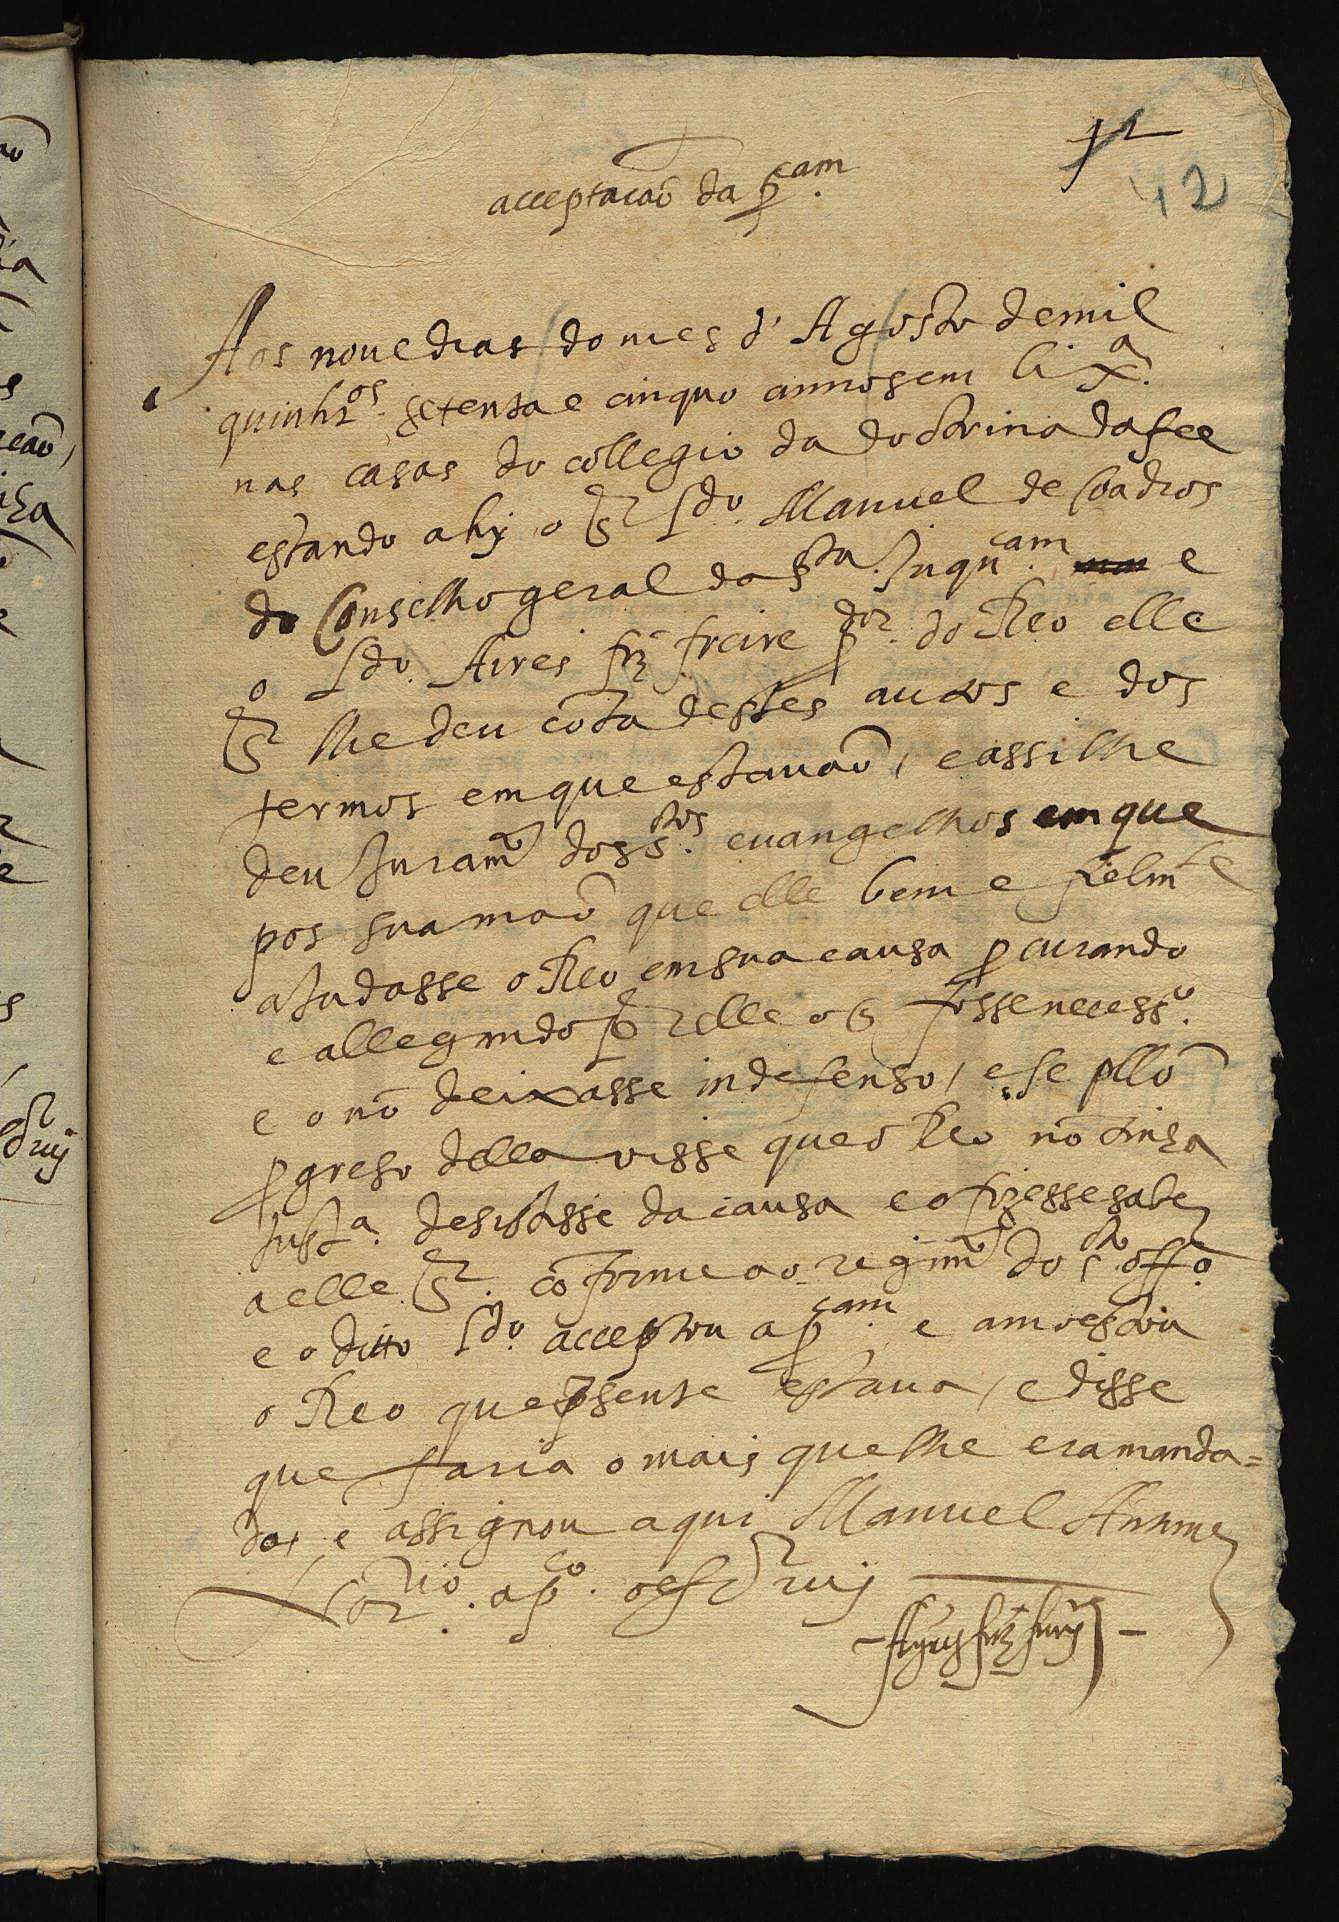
aceptaçaõ da ꝓçam.
Aos noue dias do mes d'Agosto de mil
quinhtos. setenta e cinquo annos em lixa.
nas casas do collegio da doctrina da fee
estando ahy o s̄or Ldo. Manuel de Coadros
do Conselho geral da sta. Inqu.çam ma e
o Ldo. Aires frz̄ freire ꝓdor. do Reo elle
sor lhe deu cōta destes autos e dos
termos em que estauaõ / e assi lhe
deu Juramto dos stos. euangelhos em que
pos sua maõ que elle bem e fielmte
aIudasse o Reo em sua causa ꝓcurando
e allegando por elle o q̄ fosse necesso.
e o nō deixasse indefenso / e se pllō
ꝓgreso della visse que o Reo nō tinha
Iusta. desistisse da causa e o fizesse saber
a elle sor. cōforme ao regimto sto. offo.
e o ditto Ldo. acceptou a ꝓçam. e amoestou
o Reo que p̄sente estaua / e disse
que fazia o mais que lhe era manda
do, e assignou aqui Manuel Antunez
Notrio. apco. o esc̄iuy
Ayres frz̄ freyre
